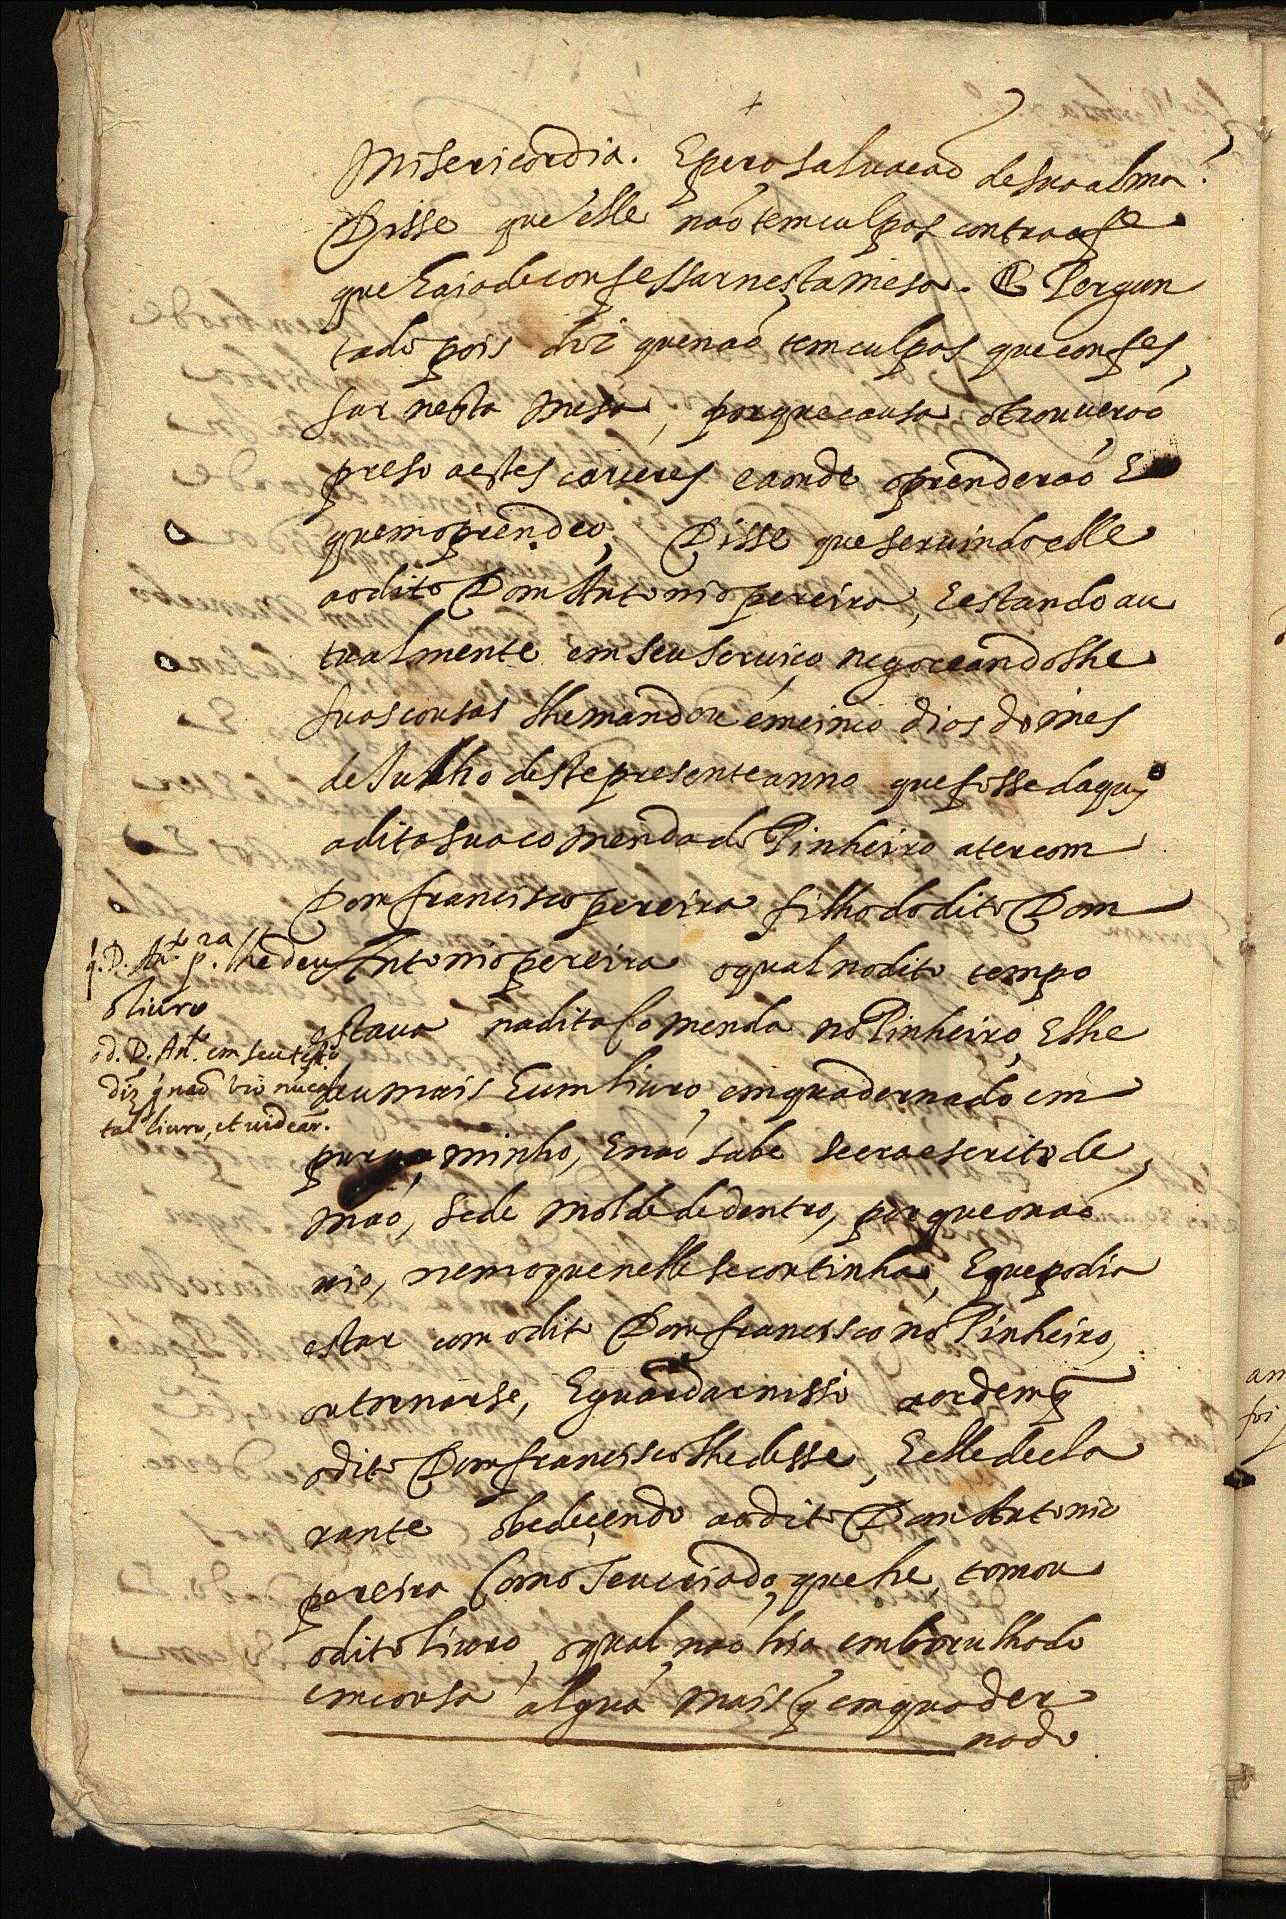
misericordia. E pera saluacão de sua alma
Disse que elle naõ tem culpas contra a fe
que haia de confessar nesta mesa. ¶ Pergun
tado pois diz que naõ tem culpas que confes
sar nesta mesa, porque causa o trouxeraõ
preso a estes carceres e aonde o prenderaõ E
quem o prendeo, Disse que seruindo elle
ao dito Dom Antonio pereira, E estando au
tualmente em seu seruiço negoceandolhe
suas cousas lhe mandou em cinco dias do mes
de Iulho deste presente anno que fosse daquy
a dita sua comenda do Pinheiro a ter com
Dom francisco pereira filho do dito Dom
Antonio pereira o qual no dito tempo
estaua na dita Comenda no Pinheiro, E lhe
deu mais hum liuro emquadernado em
purgaminho, E naõ sabe se era escrito de
maõ, se de molde de dentro, porque o naõ
uio, nem o que nelle se continha, E que podia
estar com o dito Dom francisco no Pinheiro,
ou tornarse, E guardar nisso a ordem q̄
o dito Dom francisco desse, E elle decla
rante obedeçendo ao dito Dom Antonio
pereira Como seu criado que he, tomou
o dito liuro, o qual naõ hia embrrulhado
em cousa alguā mais q̄ emquader
nado
